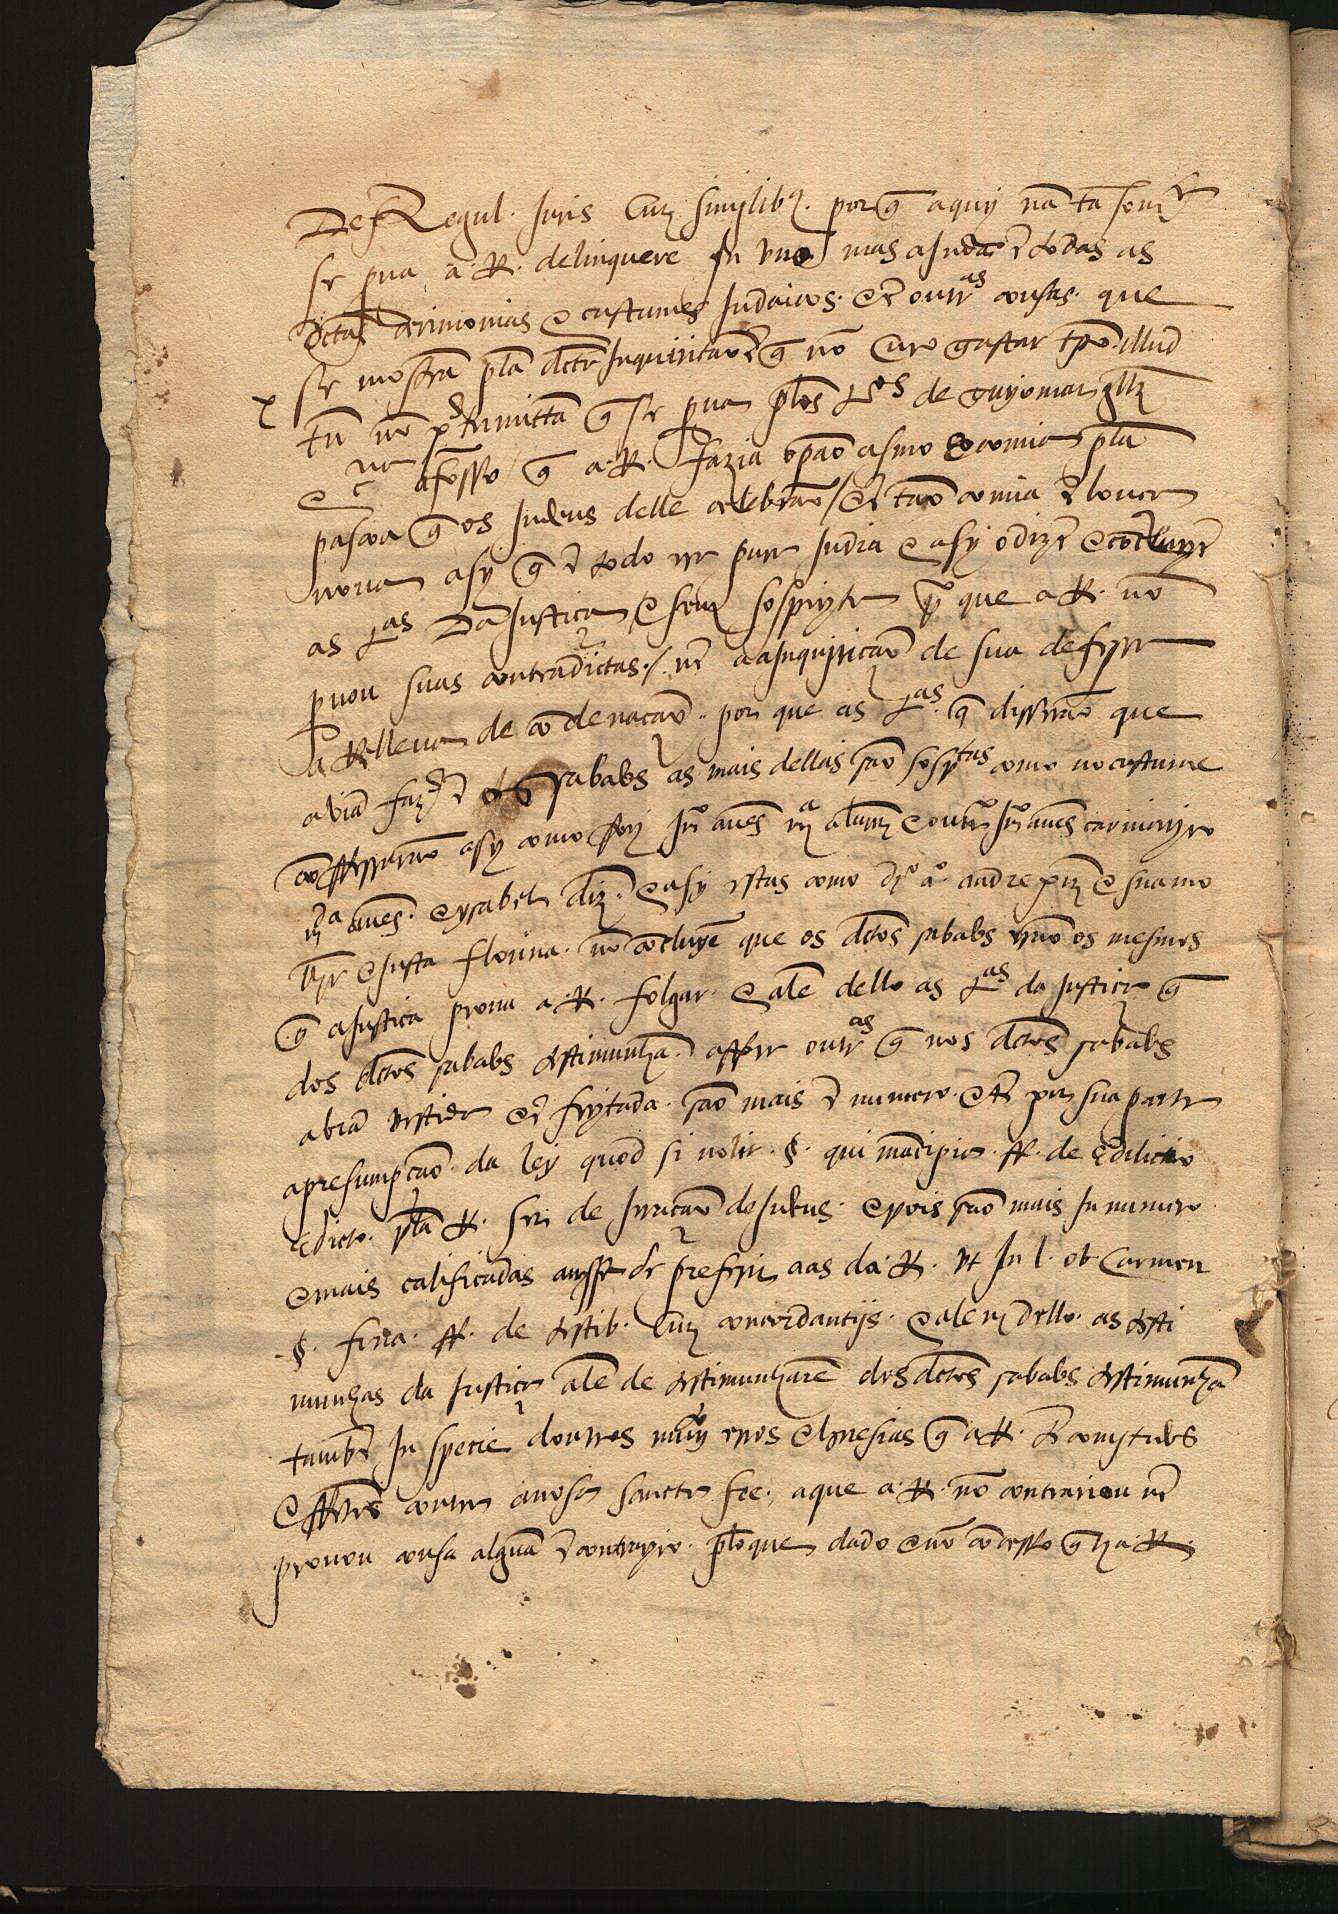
De Regul. Juris Cum Simjlibꝯ porq̄ aquy n̄a tā somte
se ꝓua a .R. delinquere Jn vno mas aJnda ē todas as
dc̄tas cerimonias e custumes Judaicos. e ē outras cousas que
se mos̄tra p̄la dc̄ta Jnquirição ē q̄ nō Curo gastar t̄po illud
tū n̄o p̄termittā q̄ se ꝓua p̄los tos de guyomar ḡllz
e cna af̄osso q̄ a .R. fazia o pão asmo E o comia p̄la
pascoa q̄ os Judeus delle celebrão / e ētão comia ē louça
noua asy q̄ ē todo era pura Judia e asy o dizē e c̄ocluyē
as tas Da Justiça e sem sospeyta p̄oque a Re n̄o
ꝓuou suas contradictas./ nē aa Jnqujrição de sua defesa
a Relleua de c̄odenação porque as tas q̄ disserão que
a viā faz̄ ē os sabados as mais dellas são sosptas como no custume
c̄offessarão asy como foy Jmo an̄es ma al̄urez e outro Jmo an̄es carniceyro
mda an̄es. e ysabel d̄iz e asy estas como djo ao andre pīz e sua mo
lh̄r e Justa florina n̄o c̄ocluyē que os d̄ctos sabados erão os mesmos
q̄ a Justica proua a .R. folgar e alē dello as tas da Justiça q̄
dos d̄ctos sabados testimunhā affora outras q̄ nos d̄ctos sabados
a viā vestida e ēfeytada são mais ē numero e tē por sua parte
a presumpção da ley quod si nolit .§. qui m̄acipia .ff. de Edilicto
Edicto p̄la R. ser de Jeração de Judeus e pois são mais Jn numero
e mais calificadas amsse de preferir aas da .R. vt Jn l. ob Carmen
.§. fina. ff. de testib. Cum concordantijs e alem dello as testi
munhas da Justiça āle de testimunhāre dos d̄ctos sabados testimunhā
tambē Jn Specie doutros muyto erros e heresias q̄ a R. tē comjtidos
e ff̄ctos contra a nosa Sancta fee a que a .R. nõ contrariou nē
prouou cousa algūa ē contrayro p̄lo que dado e nō c̄osesso q̄ ha R.
